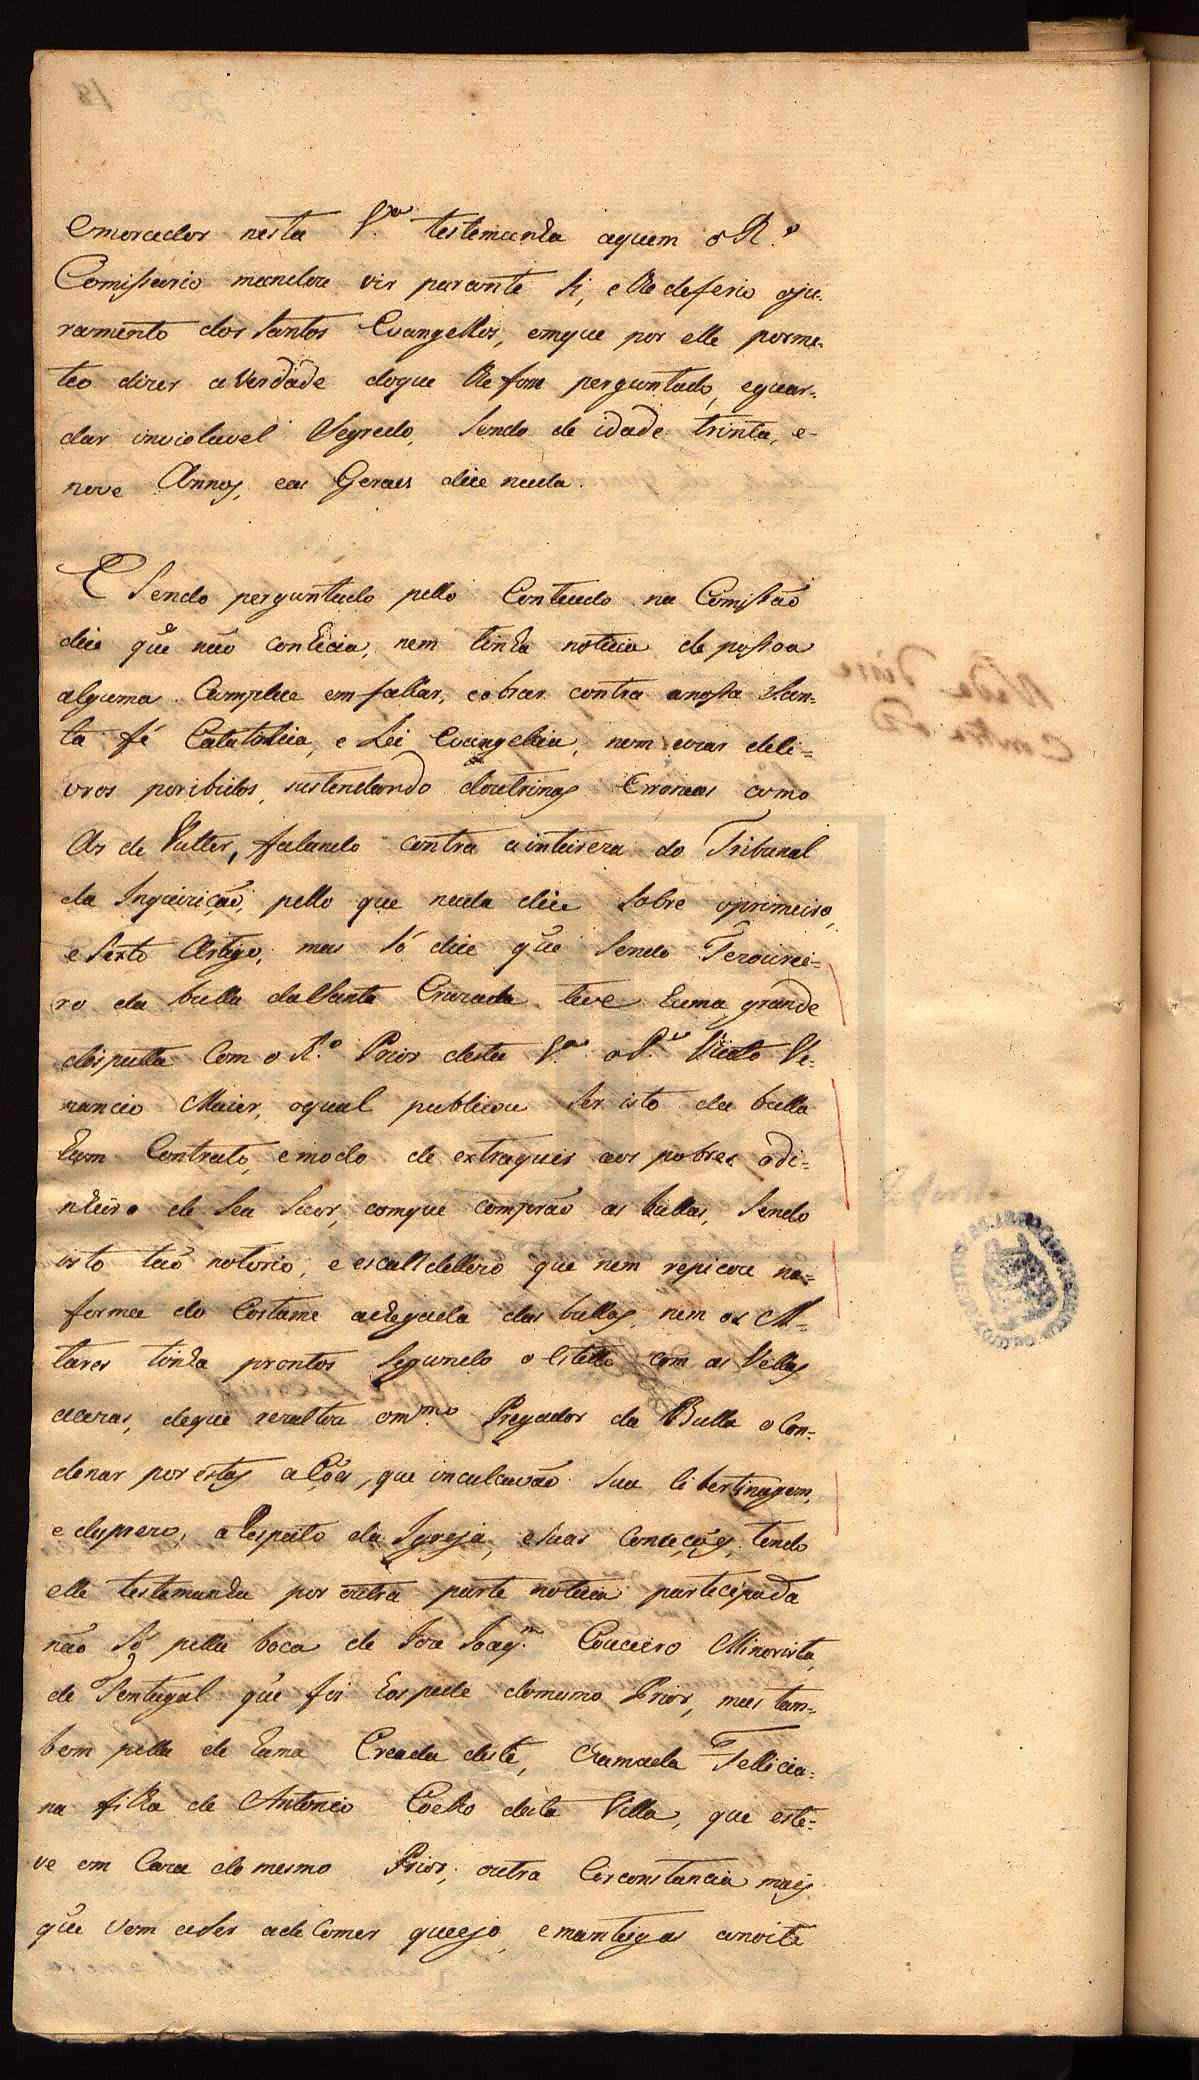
e mercedor nesta V.a testemunha a quem o R. o
Comissario mandou vir parante si, e lhe deferio o ju
ramento dos santos Evangelhos, em que por elle porme
teo dizer a verdade do que lhe fosse perguntado, e guar
dar inviolavel Segredo, sendo de idade trinta, e
nove Annos, e as Geraes dice nada.
E Sendo perguntado pello Conteudo na Comissaõ
dico que naõ conhecia, nem tinha noticia de pessoa
alguma Cumplece em fallar, e obrar contra a nossa San
ta fé Catatolica, e Lei Evangelica, nem uzar de li
vros poribidos sustendando doutrinas Erroneas como
as de Vulter, falando contra a inteireza do Tribunal
da Inquiziçaõ, pello que nada dice sobre o primeiro,
e sexto Artigo, mas só dice que sendo Tezourei
ro da Bulla da Santa Cruzada teve huma grande
disputa Com o R.o Prior desta V.a o P.e Victo Ve
nancio Maier, o qual publicou ser isto da bulla
hum Contrato, e modo de extruquir aos pobres o di
nheiro de seu suor, com que compraõ as bullas, sendo
isto taõ notorio, e escaNdellezo que nem repicou na
forma do Costume a chegada das bullas, nem os Al
tares tinha prontos segundo o litello com as Vellas
acezas, de que rezultou o m.mo Pregador da Bulla o Con
denar por estas aÇoẽs, que inculcavaõ sua libertinagem,
e desprezo, a Respeito da Igreja, e suas conceçoẽs, tendo
elle testemunha por outra parte noticia partecipada
não só pella boca de Ioze Ioaq.m Couceiro Minorista,
de Tentugal que foi hospede do mesmo Prior, mas tam
bem pelo de huma Creada deste, chamada Fellicia
na filha de Antonio Coelho desta Villa, que este
ve em Caza do mesmo Prior, outra Circonstancia mais
que vem a ser a e de comer queejo, e manteiga a noite
